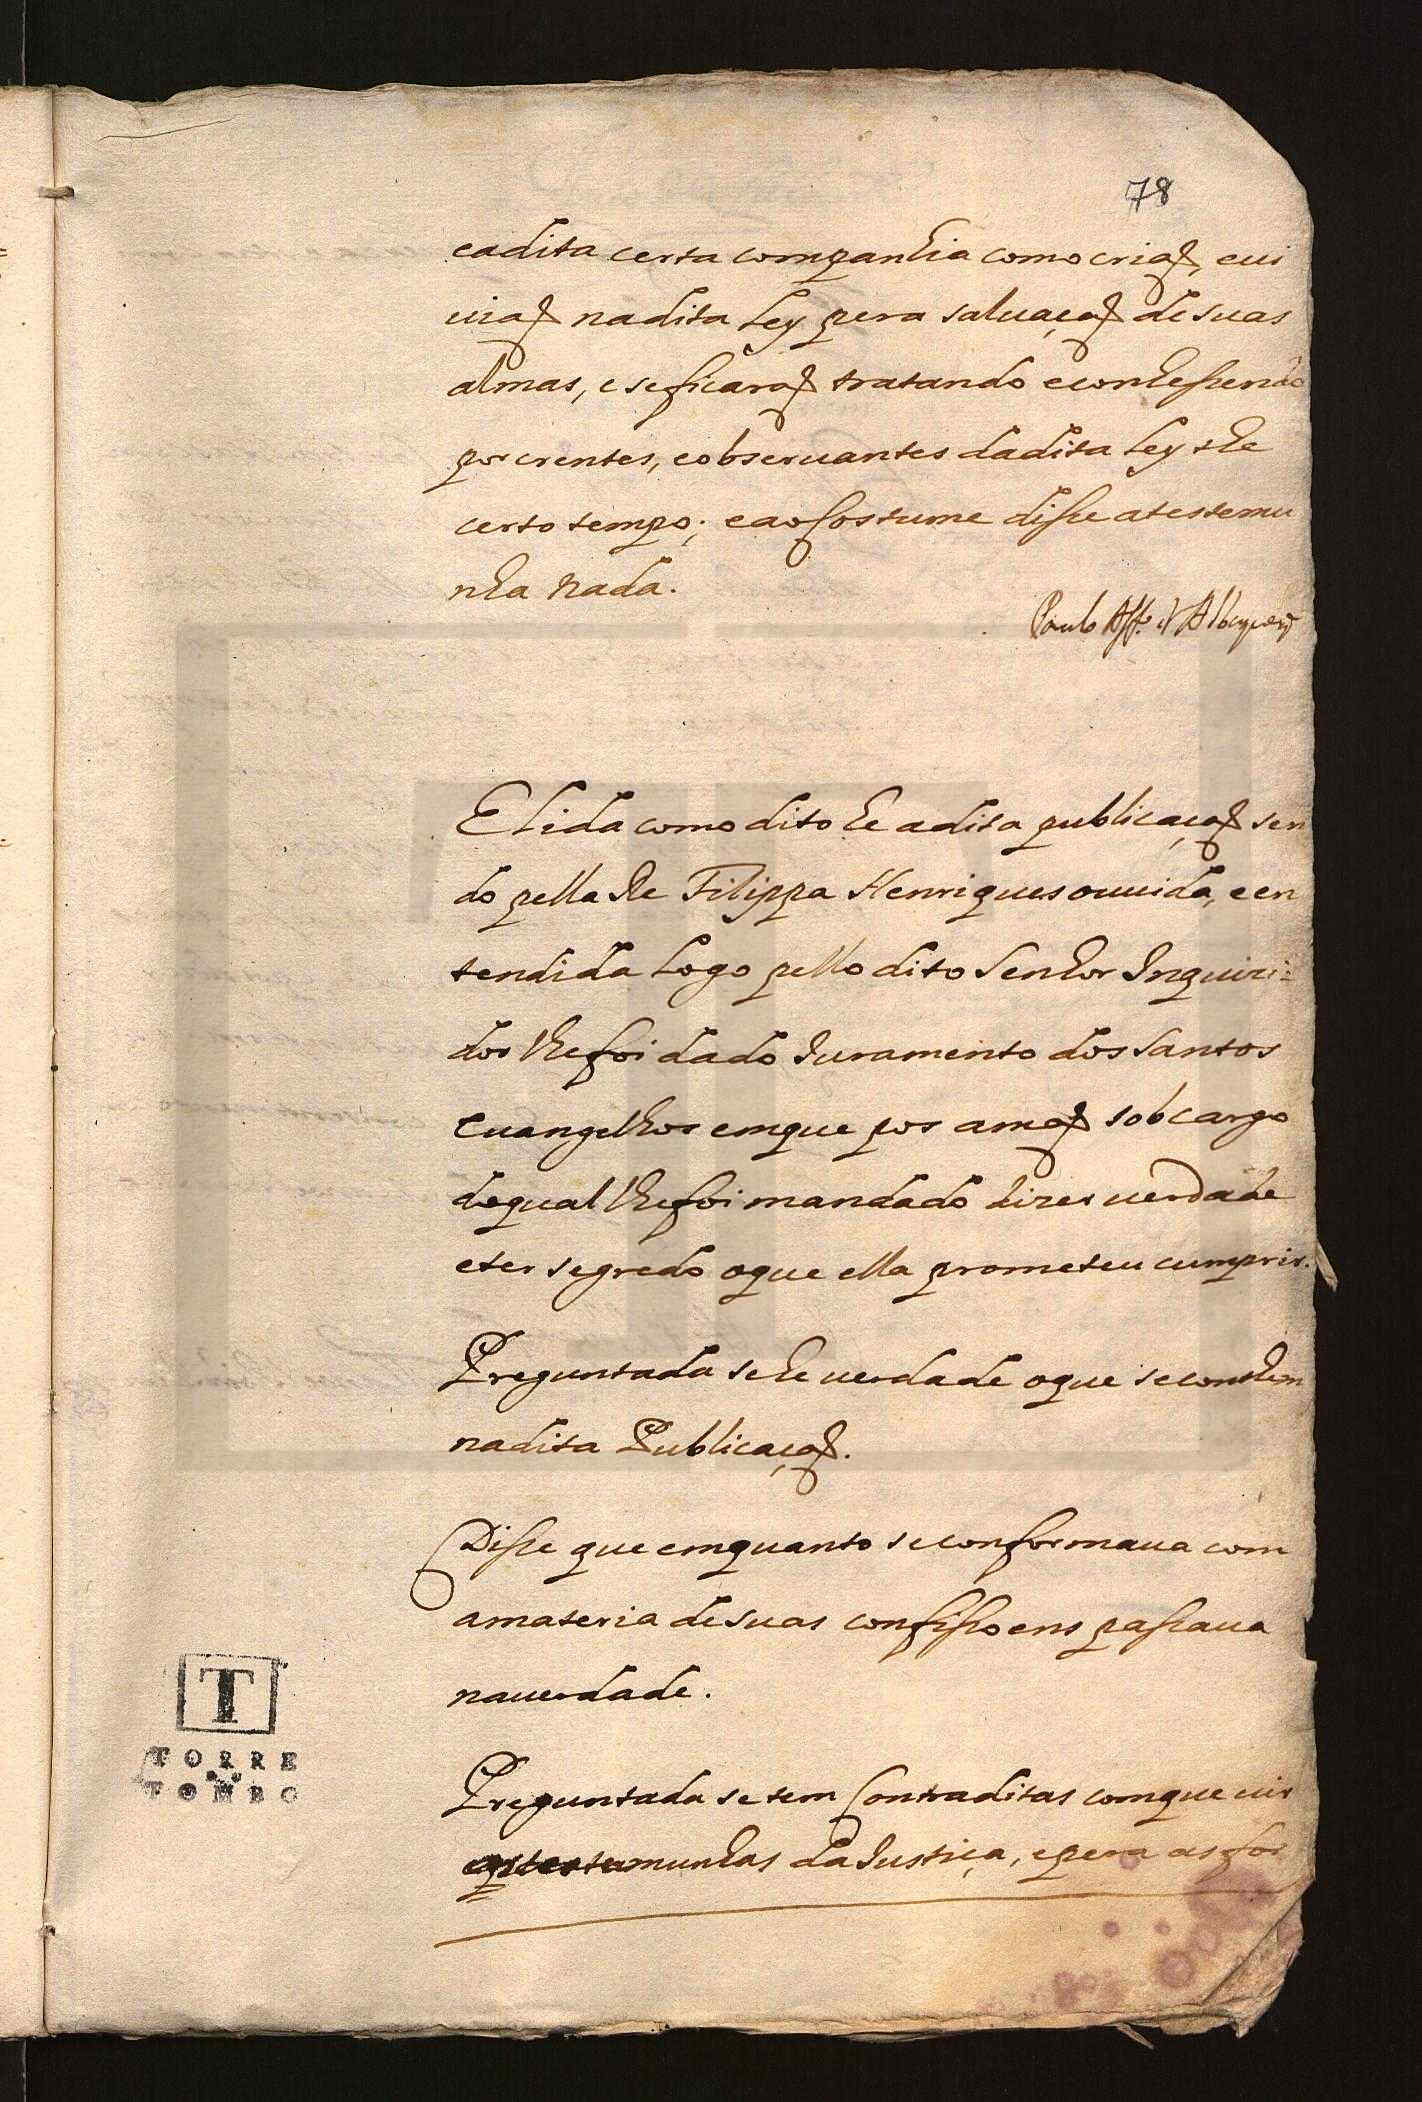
e a dita certa companhia como criaõ, e ui
uiaõ na dita Ley pera saluaçaõ de suas
almas, e se ficaraõ tratando e conhessendo
por crentes, e obseruantes da dita Ley the
certo tempo; e ao Costume disse a testemu
nha nada.
Paulo Aff.o d̄ Albuquerq̄
E lida como dito he a dita publicaçaõ sen
do pella Re Filippa Henriques ouuida, e en
tendida Logo pello dito Senhor Inquizi
dor lhe foi dado Iuramento dos santos
euangelhos em que pos a maõ sob cargo
do qual lhe foi mandado dizer uerdade
e ter segredo o que ella prometeu cumprir.
Preguntada se he uerdade o que se conthem
na dita Publicaçaõ.
Disse que emquanto se conformaua com
a materia de suas confissoens passaua
na uerdade.
Preguntada se tem Contraditas com que uir
_ testemunhas da Justiça, e pera as for
